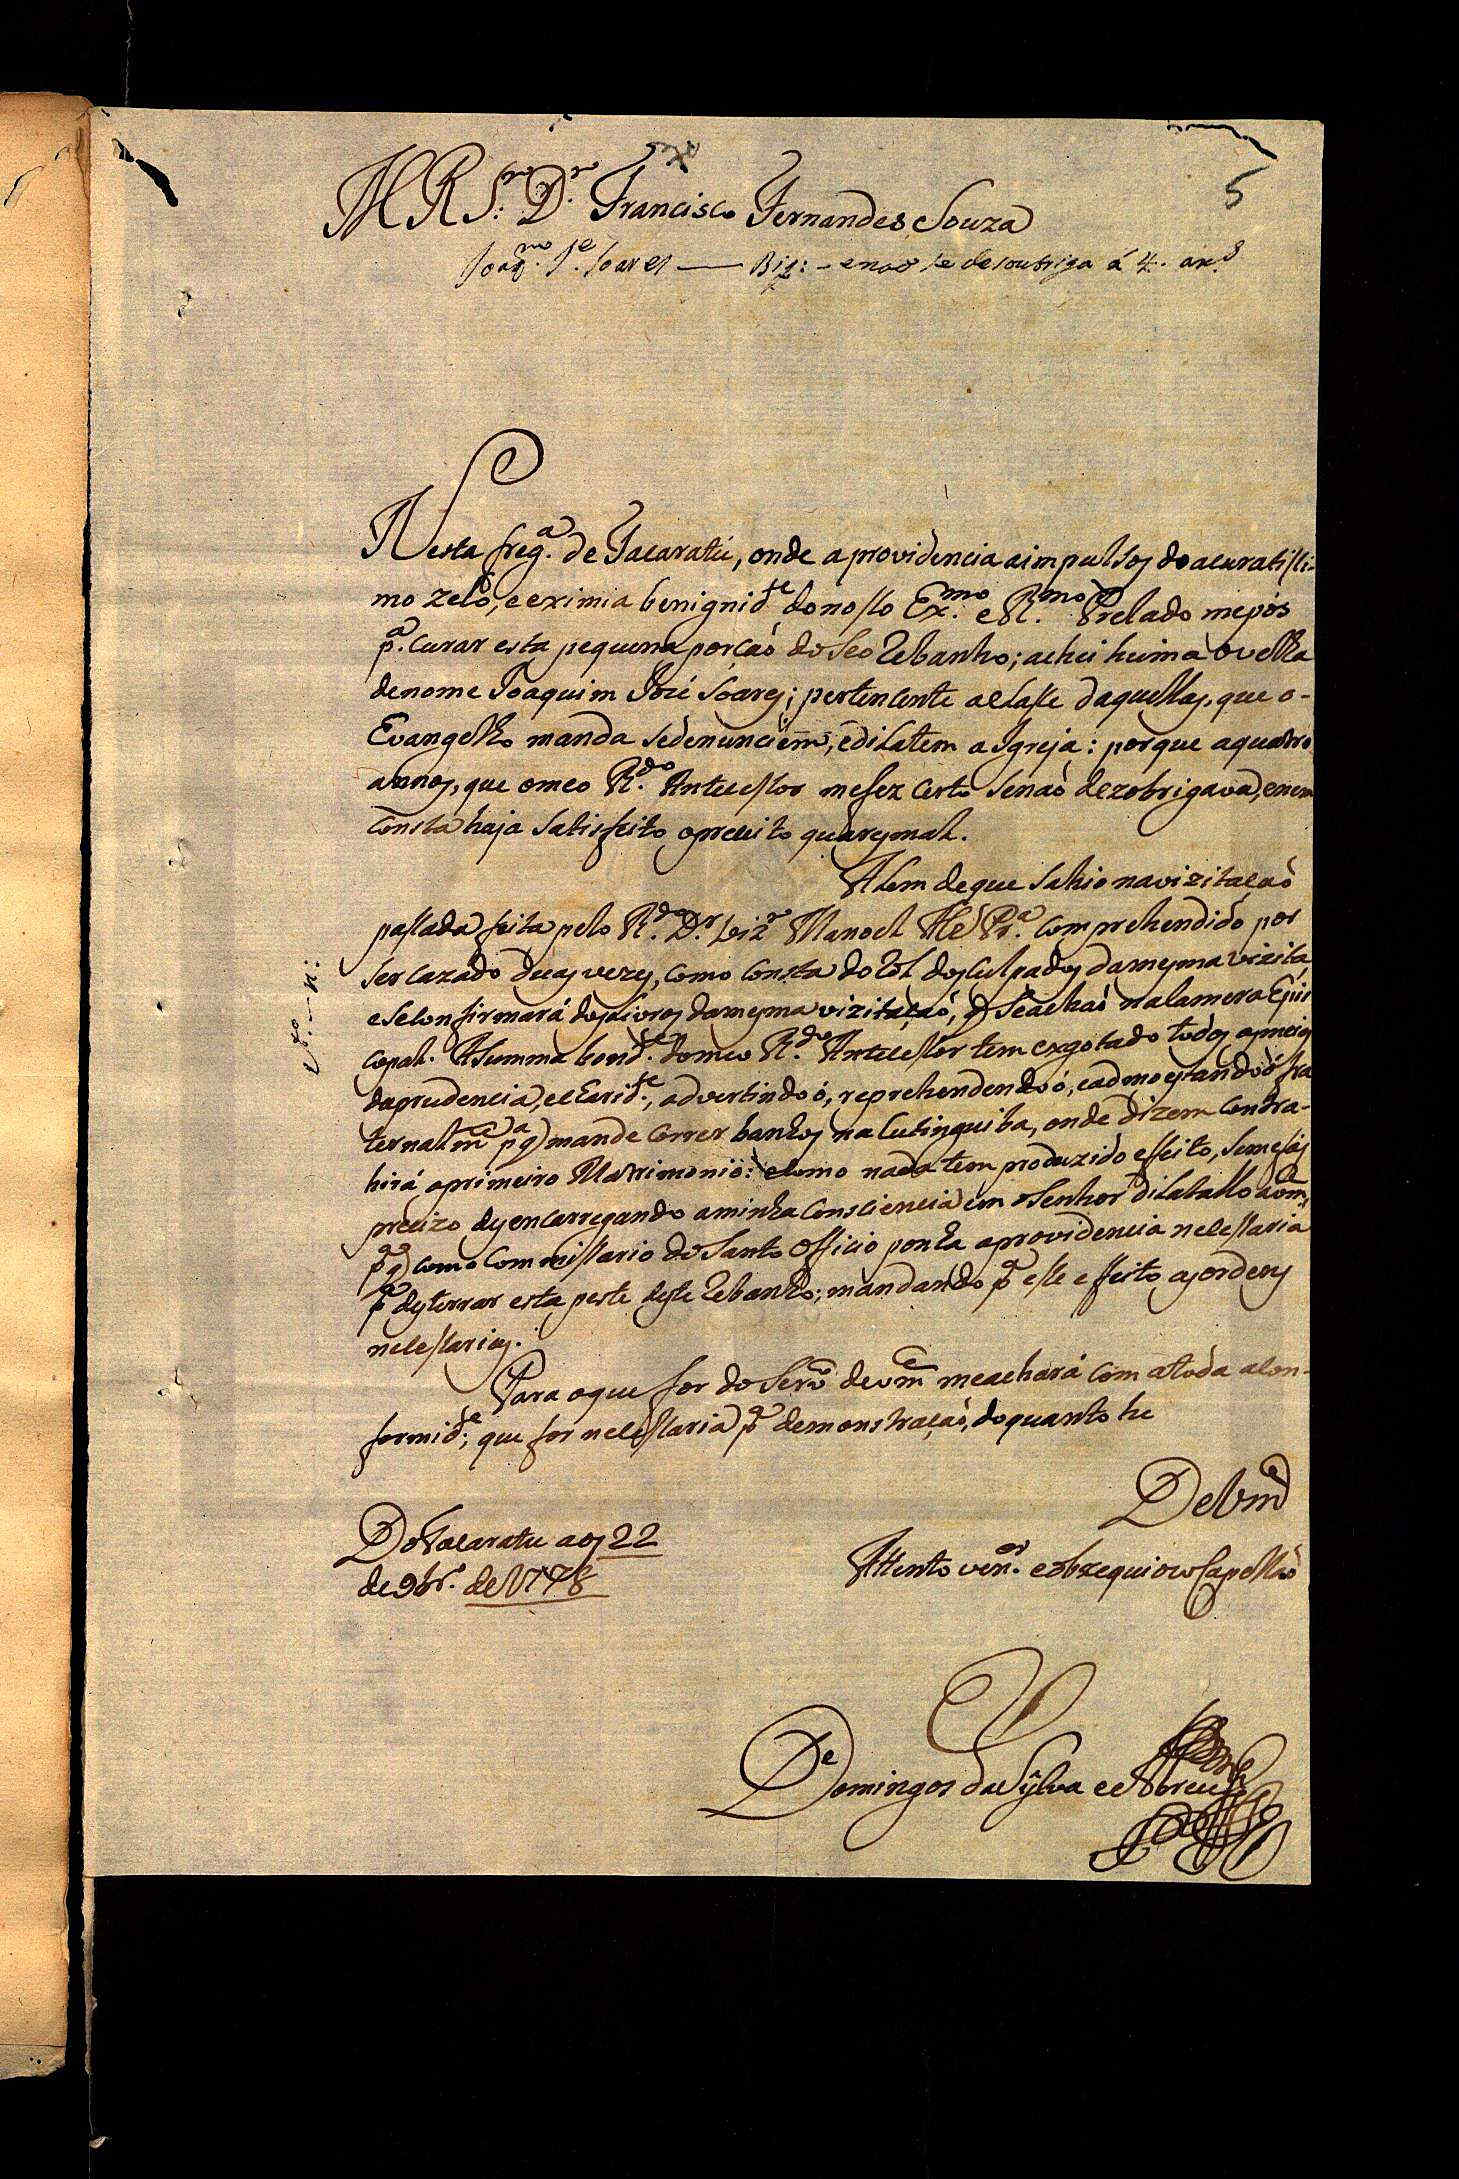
M R S.r D.r Francisco Fernandes Souza
Ioaq.m I.e Soares - Big: - e naõ se desoubriga á 4 an.s
Nesta freg.a de Tacaratú, onde a providencia a impulsos do acuratissi
mo zelo, e eximia benignide do nosso Ex.mo e R.mo Prelado me pós
p.a curar esta pequena porçaõ do Seo Rebanho; achei huma ovelha
de nome Ioaquim Iozé Soares; pertencente a cLasse daquellas, que o
Evangelho manda se denunciem, e diLatem a Igreja: porque a quatro
annos, que o meo R.do Antecessor me fez certo senaõ dezobrigava, e nem
consta haja satisfeito o preceito quaresmaL.
ALem de que sabia na vizitaçaõ
passada feita pelo R.do D.r Viz.r Manoel Me Pr.a comprehendido por
ser cazado duas vezes, como consta do Rol dos culpados da mesma vizita,
e se confirmará dos Livros da mesma vizitaçaõ, q̄ Seachaõ na Camera Epis
copaL. A Summa bond.e do meo R.do Antecessor tem exgotado todos os meios
da prudencia, e charid.e, advertindo ó, reprehendendo ó, e admoestandoó fra
ternaLmte pa q̄ mande correr banhos na Cutinguiba, onde dizem contra
hirá o primeiro Matrimonio: e como nada tem produzido effeito, semefás
precizo desencarregando a minha Consciencia com o Senhor diLatallo a vmCe,
pa q̄ como commissario do Santo officio ponha a providencia necessaria
pa desterrar esta peste deste Rebanho; mandando pa esse effeito as ordens
necessarias.
Para o que for do Servco de vmCe meachará com a toda acon
formide; que for necessaria pa demonstraçaõ, do quanto he
De Vmce
Do Tacaratu aos 22
Attento ven.or e obxequiozo Capellaõ
de 9br.o de 1778
Domingos da Sylva e Abreu
